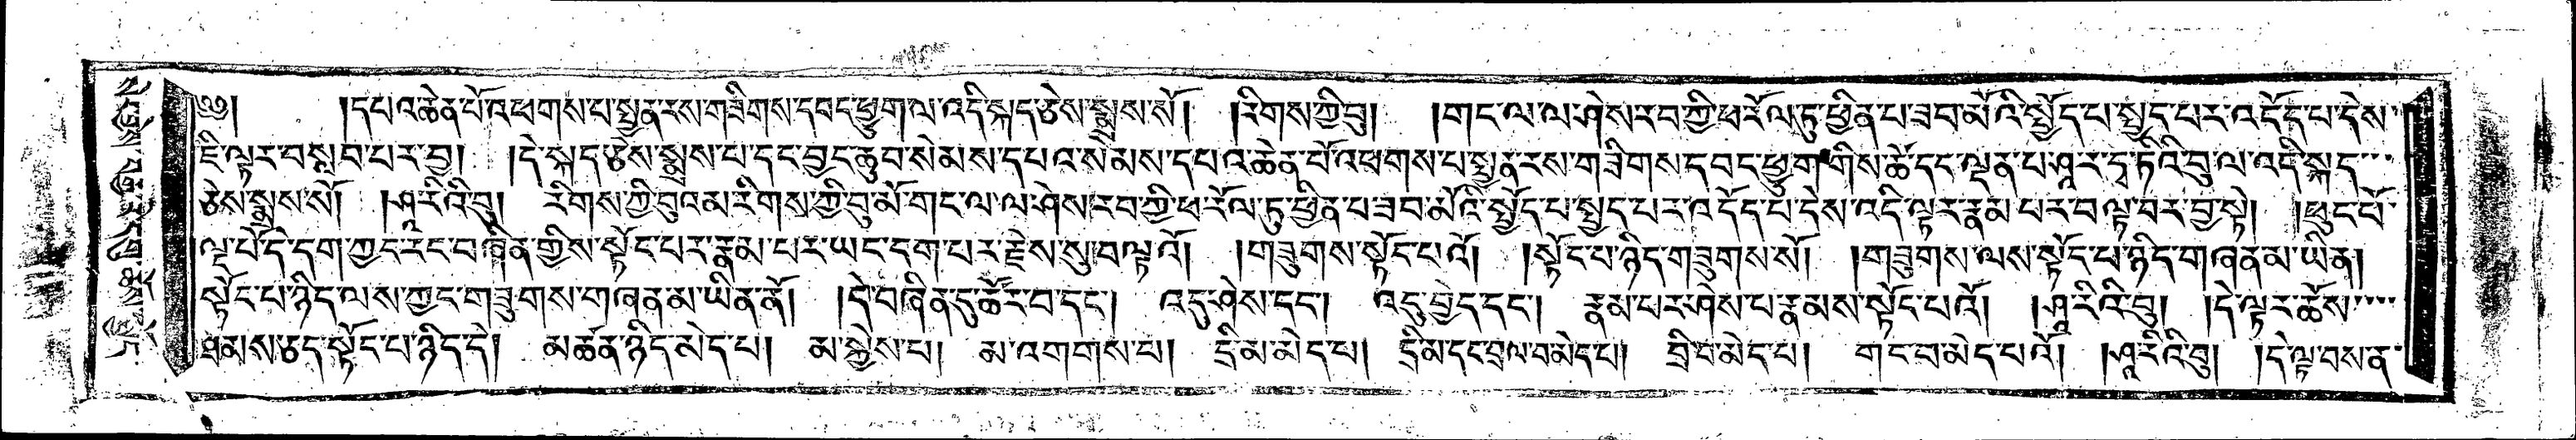༄༅། །དཔའ་ཆེན་པོ་འཕགས་པ་སྤྱན་རས་གཟིགས་དབང་ཕྱུག་ལ་འདི་སྐད་ཅེས་སྨྲས་སོ། །རིགས་ཀྱི་བུ། །གང་ལ་ལ་ཤེས་རབ་ཀྱི་ཕ་རོལ་ཏུ་ཕྱིན་པ་ཟབ་མོའི་སྤྱོད་པ་སྤྱད་པར་འདོད་པ་དེས་
ཇི་ལྟར་བསླབ་པར་བྱ། །དེ་སྐད་ཅེས་སྨྲས་པ་དང་བྱང་ཆུབ་སེམས་དཔའ་སེམས་དཔའ་ཆེན་པོ་འཕགས་པ་སྤྱན་རས་གཟིགས་དབང་ཕྱུག་གིས་ཚེ་དང་ལྡན་པ་ཤཱ་ར་དྭ་ཏིའི་བུ་ལ་འདི་སྐད་
ཅེས་སྨྲས་སོ། །ཤཱ་རིའི་བུ། རིགས་ཀྱི་བུའམ་རིགས་ཀྱི་བུ་མོ་གང་ལ་ལ་ཤེས་རབ་ཀྱི་ཕ་རོལ་ཏུ་ཕྱིན་པ་ཟབ་མོའི་སྤྱོད་པ་སྤྱད་པར་འདོད་པ་དེས་འདི་ལྟར་རྣམ་པར་བལྟ་བར་བྱ་སྟེ། །ཕུང་པོ་
ལྔ་པོ་དེ་དག་ཀྱང་རང་བཞིན་གྱིས་སྟོང་པར་རྣམ་པར་ཡང་དག་པར་རྗེས་སུ་བལྟའོ། །གཟུགས་སྟོང་པའོ། །སྟོང་པ་ཉིད་གཟུགས་སོ། །གཟུགས་ལས་སྟོང་པ་ཉིད་གཞན་མ་ཡིན།
སྟོང་པ་ཉིད་ལས་ཀྱང་གཟུགས་གཞན་མ་ཡིན་ནོ། །དེ་བཞིན་དུ་ཚོར་བ་དང་། འདུ་ཤེས་དང་། འདུ་བྱེད་དང་། རྣམ་པར་ཤེས་པ་རྣམས་སྟོང་པའོ། །ཤཱ་རིའི་བུ། །དེ་ལྟར་ཆོས་
ཐམས་ཅད་སྟོང་པ་ཉིད་དེ། མཚན་ཉིད་མེད་པ། མ་སྐྱེས་པ། མ་འགགས་པ། དྲི་མ་མེད་པ། དྲི་མ་དང་བྲལ་བ་མེད་པ། བྲི་བ་མེད་པ། གང་བ་མེད་པའོ། །ཤཱ་རིའི་བུ། །དེ་ལྟ་བས་ན་